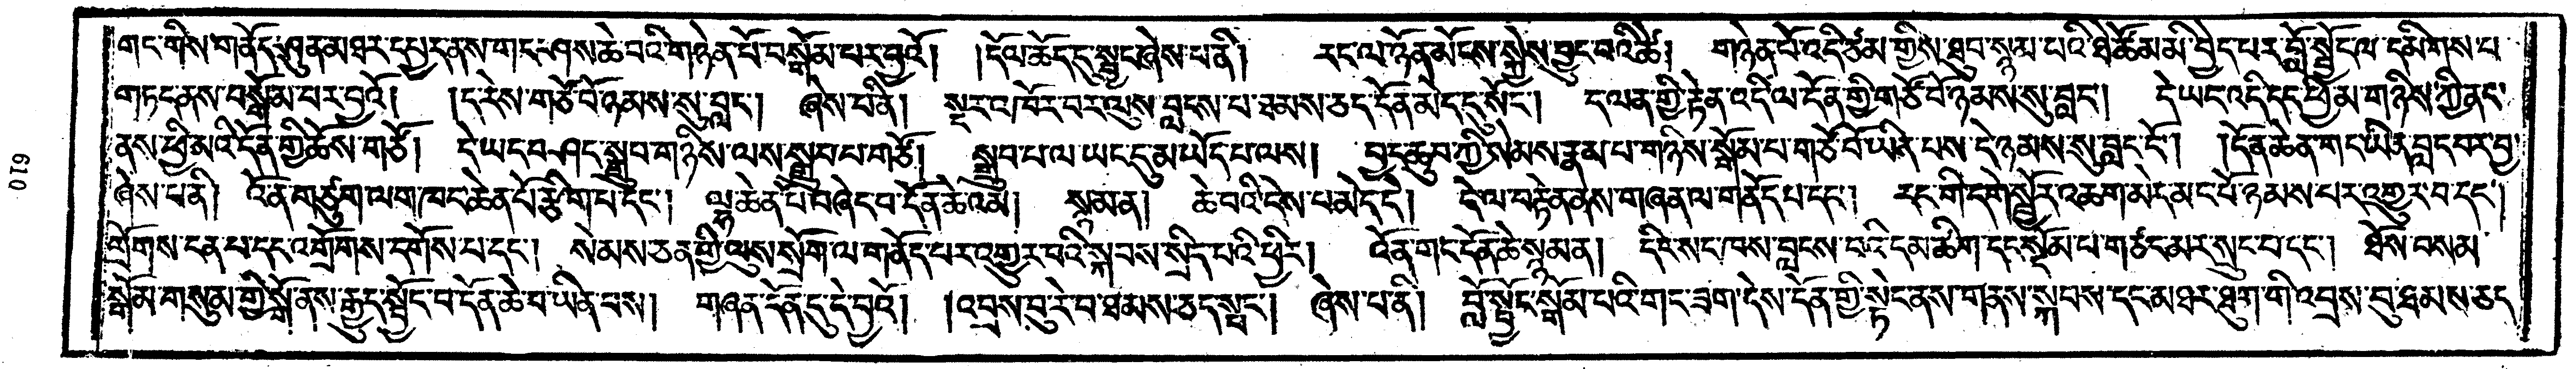གང་གིས་གནོད་ཤུན་མཐར་དཔྱད་ནས་གང་ཤས་ཆེ་བའི་གཉེན་པོ་བསྒོམ་པར་བྱའོ། །དོལ་ཆོད་དུ་སྦྱང་ཞེས་པ་ནི། རང་ལ་ཉོན་མོངས་སྐྱེས་བྱུང་བའི་ཚེ། གཉེན་པོ་འདི་ཙམ་གྱིས་ཐུབ་སྙམ་པའི་ཐེ་ཚོམ་མི་བྱེད་པར་བློ་སྦྱོང་ལ་དམིགས་པ་
གཏད་ནས་བསྒོམ་པར་བྱའོ། །ད་རེས་གཙོ་བོ་ཉམས་སུ་བླང་། ཞེས་པ་ནི། སྔར་འཁོར་བར་ལུས་བླངས་པ་ཐམས་ཅད་དོན་མེད་དུ་སོང་། ད་ལན་གྱི་རྟེན་འདི་ལ་དོན་གྱི་གཙོ་བོ་ཉམས་སུ་བླང་། དེ་ཡང་འདི་དང་ཕྱི་མ་གཉིས་ཀྱི་ནང་
ནས་ཕྱི་མའི་དོན་གྱི་ཆོས་གཙོ། དེ་ཡང་བཤད་སྒྲུབ་གཉིས་ལས་སྒྲུབ་པ་གཙོ། སྒྲུབ་པ་ལ་ཡང་དུ་མ་ཡོད་པ་ལས། བྱང་ཆུབ་ཀྱི་སེམས་རྣམ་པ་གཉིས་སྒོམ་པ་གཙོ་བོ་ཡིན་པས་དེ་ཉམས་སུ་བླང་ངོ། །དོན་ཆེན་གང་ཡིན་བླང་བར་བྱ་
ཞེས་པ་ནི། འོ་ན་གཙུག་ལག་ཁང་ཆེན་པོ་རྩིག་པ་དང་། ལྷ་ཆེན་པོ་བཞེད་པ་དོན་ཆེའམ། སྙམ་ན། ཆེ་བའི་དེས་པ་མེད་དེ། དེ་ལ་བརྟེན་ནས་གཞན་ལ་གནོད་པ་དང་། རང་གི་དགེ་སྦྱོར་འཆག་མེད་མང་པོ་ཉམས་པར་འགྱུར་བ་དང་།
གྲོགས་ངན་པ་དང་འགྲོགས་དགོས་པ་དང་། སེམས་ཅན་གྱི་ལུས་སྲོག་ལ་གནོད་པར་འགྱུར་པའི་སྐབས་སྲིད་པའི་ཕྱིར། འོན་གང་དོན་ཆེ་སྙམ་ན། དིང་སང་ཁས་བླངས་བའི་དམ་ཚིག་དང་སྔོམ་པ་གཙང་མར་སྲུང་བ་དང་། ཐོས་བསམ་
སྒོམ་གསུམ་གྱི་སྒོ་ནས་རྒྱུད་སྦྱོང་བ་དོན་ཆེ་བ་ཡིན་པས། གཞན་དོན་དུ་དེ་བྱའོ། །འབྲས་བུ་རེ་བ་ཐམས་ཅད་སྤང་། ཞེས་པ་ནི། བློ་སྦྱོང་སྒོམ་པའི་གང་ཟག་དེས་དོན་གྱི་སྟེང་ནས་གནས་སྐབས་དང་མཐར་ཐུག་གི་འབྲས་བུ་ཐམས་ཅད་